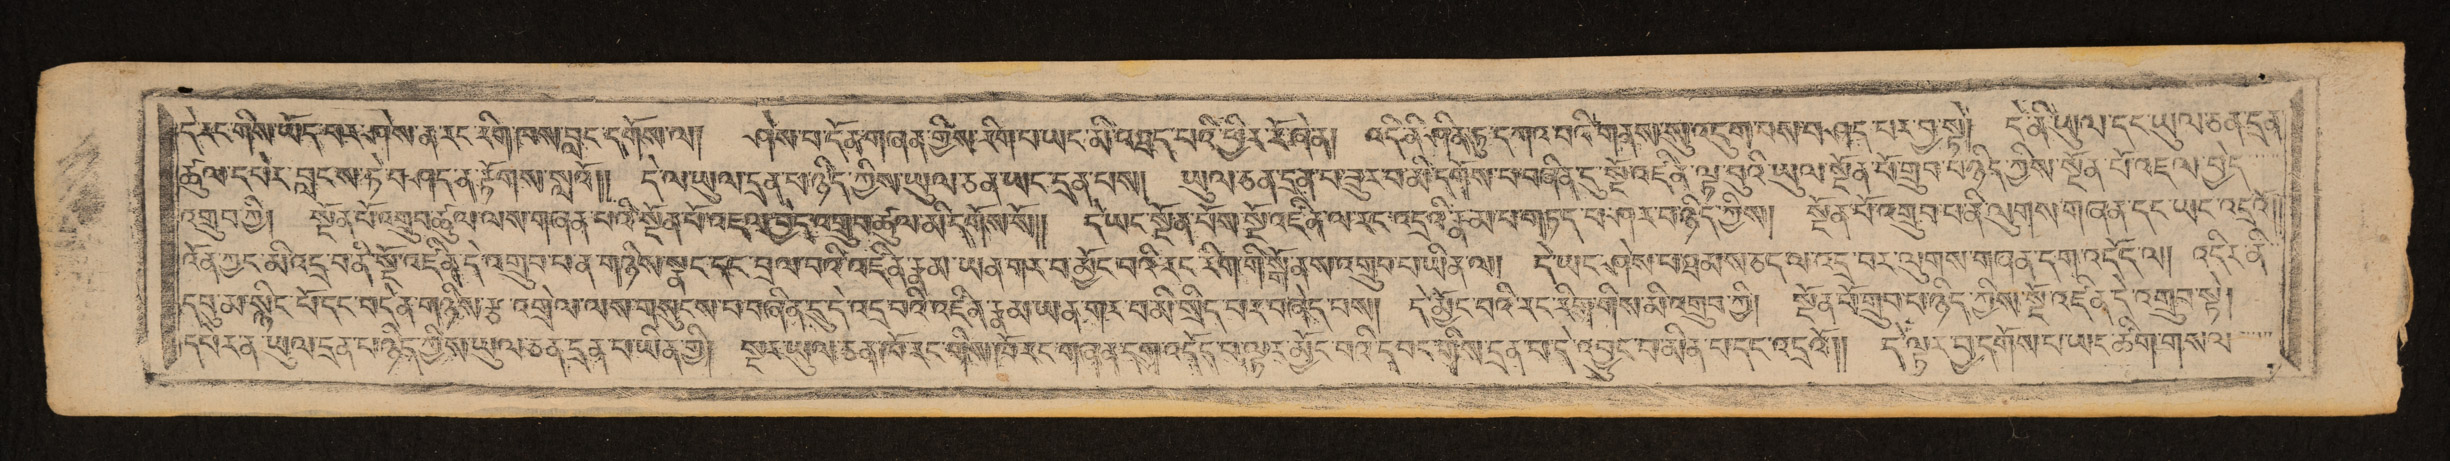དེ་རང་གིས་ཡོད་པར་ཤེས་ན་རང་རིག་ཁས་བླང་དགོས་ལ། ཤེས་པ་དོན་གཞན་གྱིས་རིག་པ་ཡང་མི་འཐད་པའི་ཕྱིར་རོ་ཞེ་ན། འདི་ནི་ཤིན་ཏུ་དཀའ་བའི་གནས་སུ་འདུག་པས་བཤད་པར་བྱ་སྟེ། དེ་ནི་ཡུལ་དང་ཡུལ་ཅན་དྲན་
ཚུལ་དཔེར་བླངས་ཏེ་བཤད་ན་རྟོགས་སླའོ།། དེ་ལ་ཡུལ་དྲན་པ་ཉིད་ཀྱིས་ཡུལ་ཅན་ཡང་དྲན་པས། ཡུལ་ཅན་དྲན་པ་ཟུར་བ་མི་དགོས་པ་བཞིན་དུ་སྔོ་འཛིན་ལྟ་བུའི་ཡུལ་སྔོན་པོ་གྲུབ་པ་ཉིད་ཀྱིས་སྔོན་པོ་འཇལ་བྱེད་
འགྲུབ་ཀྱི། སྔོན་པོ་འགྲུབ་ཚུལ་ལས་གཞན་པའི་སྔོན་པོ་འཇལ་བྱེད་འགྲུབ་ཚུལ་མི་དགོས་སོ།། དེ་ཡང་སྔོན་པོས་སྔོ་འཛིན་ལ་རང་འདྲའི་རྣམ་པ་གཏད་པ་ཤར་བ་ཉིད་ཀྱིས། སྔོན་པོ་འགྲུབ་པ་ནི་ལུགས་གཞན་དང་ཡང་འདྲའོ།།
འོན་ཀྱང་མི་འདྲ་བ་ནི་སྔོ་འཛིན་དེ་འགྲུབ་པ་ན་གཉིས་སྣང་དང་བྲལ་བའི་འཛིན་རྣམ་ཡན་གར་བ་མྱོང་བའི་རང་རིག་གི་སྒོ་ནས་འགྲུབ་པ་ཡིན་ལ། དེ་ཡང་ཤེས་པ་ཐམས་ཅད་ལ་འདྲ་བར་ལུགས་གཞན་དག་འདོད་ལ། འདིར་ནི་
དབུ་མ་སྙིང་པོ་དང་བདེན་གཉིས་རྩ་འགྲེལ་ལས་གསུངས་པ་བཞིན་དུ་དེ་འདྲ་བའི་འཛིན་རྣམ་ཡན་གར་བ་མི་སྲིད་པར་བཞེད་པས། དེ་མྱོང་བའི་རང་རིག་གིས་མི་འགྲུབ་ཀྱི། སྔོན་པོ་གྲུབ་པ་ཉིད་ཀྱིས་སྔོ་འཛིན་དེ་འགྲུབ་སྟེ།
དཔེར་ན་ཡུལ་དྲན་པ་ཉིད་ཀྱིས་ཡུལ་ཅན་དྲན་པ་ཡིན་གྱི། སྔར་ཡུལ་ཅན་ཁོ་རང་གིས་ཁོ་རང་གཞན་དག་འདོད་པ་ལྟར་མྱོང་བའི་དབང་གིས་དྲན་པ་དེ་འབྱུང་བ་མིན་པ་དང་འདྲའོ།། དེ་ལྟར་བྱ་དགོས་པ་ཡང་ཚིག་གསལ་